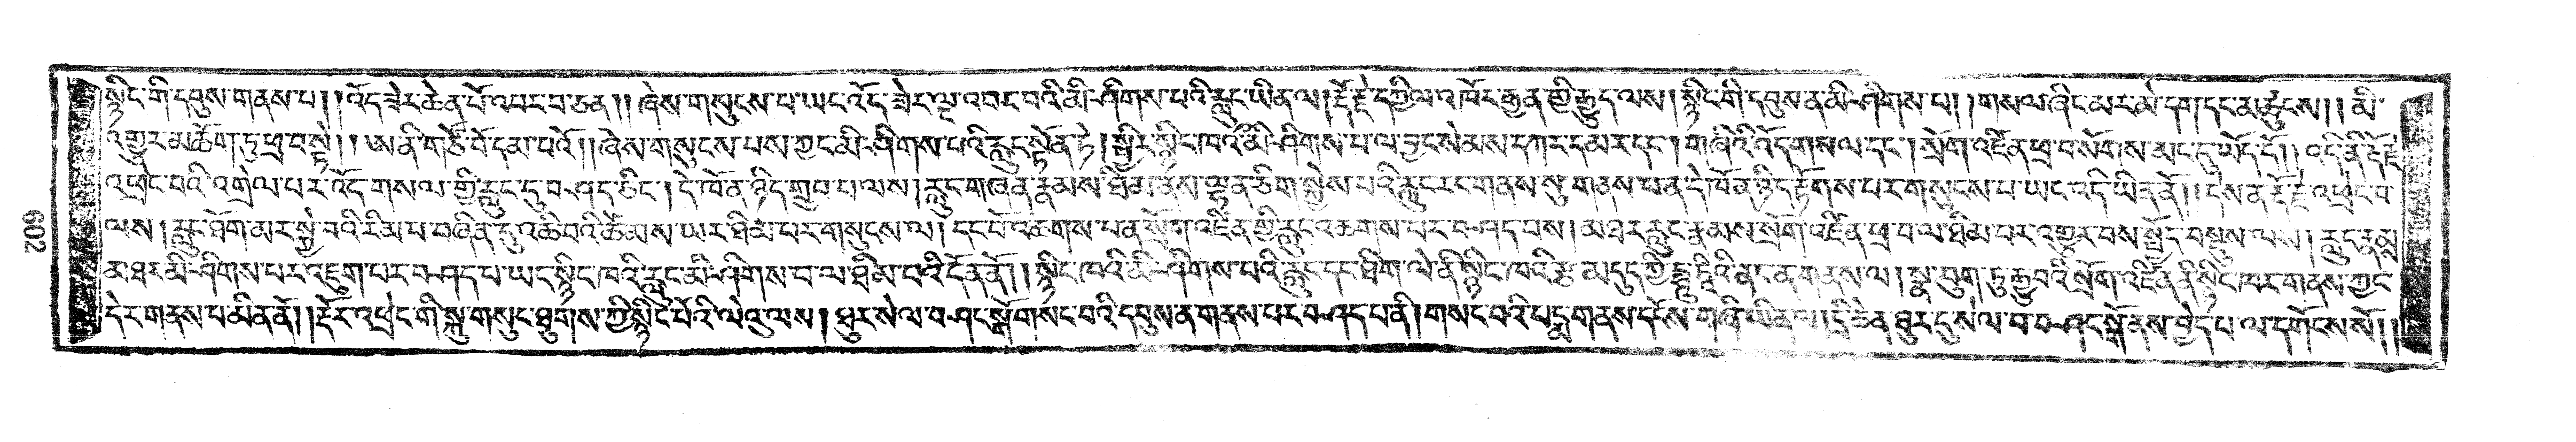སྙིང་གི་དབུས་གནས་པ། །འོད་ཟེར་ཆེན་པོ་འབར་བ་ཅན། །ཞེས་གསུངས་པ་ཡང་འོད་ཟེར་ལྔ་འབར་བའི་མི་ཤིགས་པའི་རླུང་ཡིན་ལ། རྡོ་རྗེ་དཀྱིལ་འཁོར་རྒྱན་གྱི་རྒྱུད་ལས། སྙིང་གི་དབུས་ན་མི་ཤིགས་པ། །གསལ་ཞིང་མར་མེ་དག་དང་མཚུངས། །མི་
འགྱུར་མཆོག་ཏུ་ཕྲ་བ་སྟེ། །ཨ་ནི་གཙོ་བོ་དམ་པའོ། །ཞེས་གསུངས་པས་ཀྱང་མི་ཤིགས་པའི་རླུང་སྟོན་ཏེ། སྤྱིར་སྙིང་ཁའི་མི་ཤིགས་པ་ལ་བྱང་སེམས་དཀར་དམར་དང་། གཞིའི་འོད་གསལ་དང་། སྲོག་འཛིན་ཕྲ་བ་སོགས་མང་དུ་ཡོད་དོ། །འདི་ནི་རྡོ་རྗེ་
འཕྲེང་བའི་འགྲེལ་པར་འོད་གསལ་གྱི་རླུང་དུ་བཤད་ཅིང་།དེ་ཁོ་ན་ཉིད་གྲུབ་པ་ལས། རླུང་གཞན་རྣམས་ཐིམ་ནས་ལྷན་ཅིག་སྐྱེས་པའི་རླུང་རང་གནས་སུ་གནས་པ་ན་དེ་ཁོ་ན་ཉིད་རྟོགས་པར་གསུངས་པ་ཡང་འདི་ཡིན་ནོ། །དེས་ན་རྡོ་རྗེ་འཕྲེང་བ་
ལས། རླུང་ཐོག་མར་སྐྱེ་བའི་རིམ་པ་བཞིན་དུ་འཆི་བའི་ཚེ་མས་ཡར་ཐིམ་པར་གསུངས་ལ། དང་པོ་འཆགས་པ་ན་སྲོག་འཛིན་གྱི་རླུང་འཆགས་པར་བཤད་པས། མཐར་རླུང་རྣམས་སྲོག་འཛིན་ཕྲ་བ་ལ་ཐིམ་པར་འགྱུར་བས་སྤྱོད་བསྡུས་ལས། རླུང་རྣམས་
མཐར་མི་ཤིགས་པར་འཇུག་པར་བཤད་པ་ཡང་སྙིང་ཁའི་རླུང་མི་ཤིགས་པ་ལ་ཐིམ་པའི་དོན་ནོ། །སྙིང་ཁའི་མི་ཤིགས་པའི་རླུང་དང་ཐིག་ལེ་ནི་སྙིང་ཁའི་རྩ་མདུད་ཀྱི་དྷཱུ་ཏཱིའི་ནང་ན་གནས་ལ། སྣ་བུག་ཏུ་རྒྱུ་བའི་སྲོག་འཛིན་ནི་སྙིང་ཁར་གནས་ཀྱང་
དེར་གནས་པ་མིན་ནོ། །རྡོར་འཕྲེང་གི་སྐུ་གསུང་ཐུགས་ཀྱི་སྙིང་པོའི་ལེའུ་ལས། ཐུར་སལ་བཤང་སྒོ་གསང་བའི་དབུས་ན་གནས་པར་བཤད་པ་ནི། གསང་བའི་པདམ་གནས་དངོས་གཞི་ཡིན་ལ། དྲི་ཆེན་ཐུར་དུ་སེལ་བ་བཤང་སྒོ་ནས་བྱེད་པ་ལ་དགོངས་སོ། །